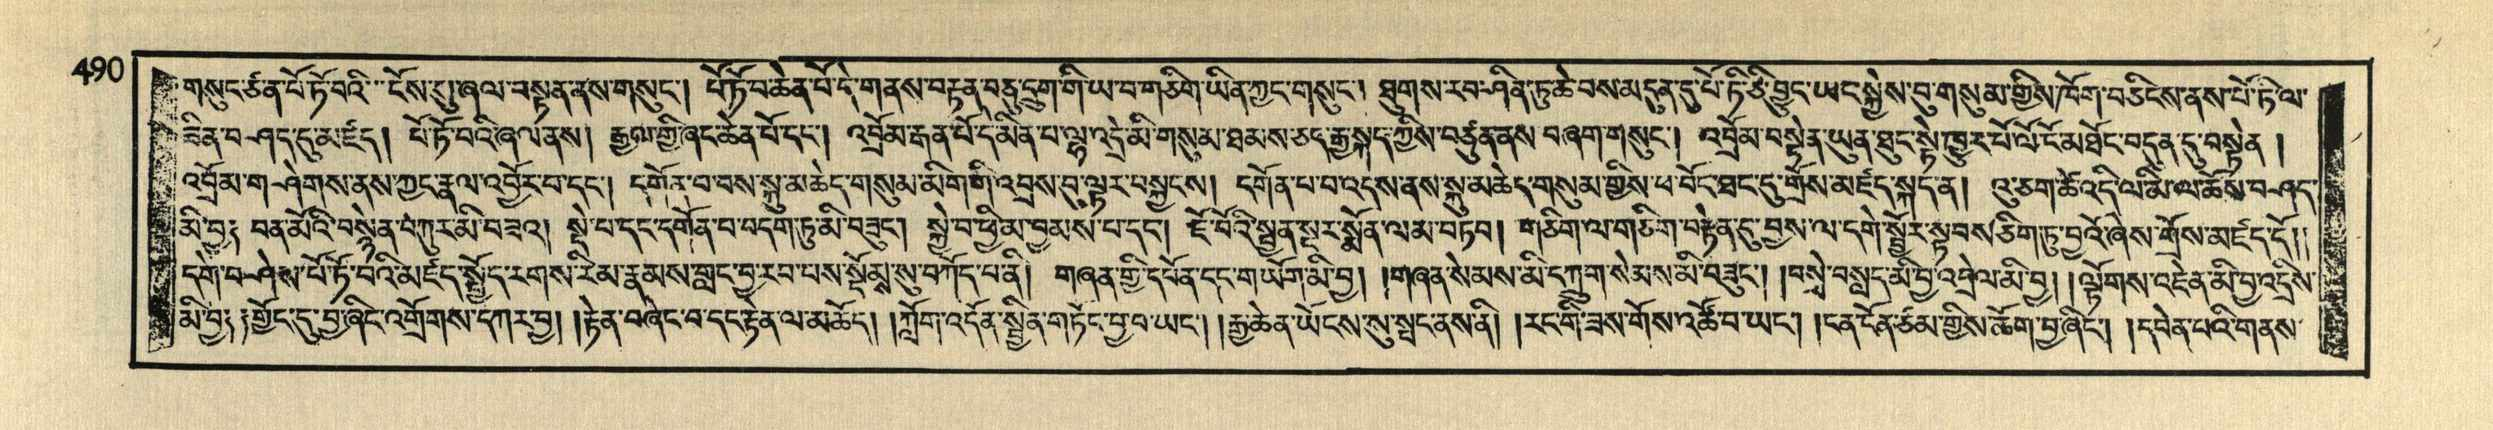གསུང་ཙ་ན་པོ་ཏོ་བའི་ངོས་སུ་ཞལ་བསྟན་ནས་གསུང་། པོ་ཏོ་བ་ཆེན་པོ་དེ་གནས་བརྟན་བཅུ་དྲུག་གི་ཡ་བ་གཅིག་ཡིན་ཀྱང་གསུང་། ཐུགས་རབ་ཤིན་ཏུ་ཆེ་བས་མདུན་དུ་པོ་ཏི་ཅི་བྱུང་ཡང་སྐྱེས་བུ་གསུམ་གྱིས་ཁོག་བཅིངས་ནས་པོ་ཏི་ལ་
ཟིན་བཤད་དུ་མཛད། པོ་ཏོ་བའི་ཞལ་ནས། རྒྱལ་གྱི་ཞང་ཆེན་པོ་དང་། འབྲོམ་རྒན་པོ་དེ་མིན་པ་ལྷ་འདྲེ་མི་གསུམ་ཐམས་ཅད་རྒྱ་སྐད་ཀྱིས་བཙུན་ནས་བཞག་གསུང་། འབྲོམ་བསྟེན་ཡུན་ཐུང་སྟེ་ཁྱུར་པོ་ལོ་ངོ་མཐོང་བདུན་དུ་བསྟེན། །
འབྲོམ་གཤེགས་ནས་ཀྱང་རྣལ་འབྱོར་བ་དང་། དགོན་བ་བས་སྐུ་མཆེད་གསུམ་མིག་གི་འབྲས་བུ་ལྟར་བསྐྱངས། དགོན་པ་བ་འདས་ནས་སྐུ་མཆེད་གསུམ་གྱིས་ཕ་བོང་ཐང་དུ་གྲོས་མཛད་སྐད་ན། འུ་ཅག་ཚེ་འདི་ལ་མི་ལ་ཆོས་བཤད་
མི་བྱ༑ བན་མོའི་བསྙེན་བཀུར་མི་བཟའ། སྡེ་པ་དང་དགོན་པ་བདག་ཏུ་མི་བཟུང་། སྐྱེ་བ་ཕྱི་མ་བྱམས་པ་དང་། ཇོ་བོའི་སྤྱན་སྔར་སྨོན་ལམ་བཏབ། གཅིག་ལ་གཅིག་བརྟེན་དུ་བྱས་ལ་དགེ་སྦྱོར་སྟབས་ཅིག་ཏུ་བྱའོ་ཞེས་གྲོས་མཛད་དོ།།
དགེ་བཤེས་པོ་ཏོ་བའི་མཛད་སྤྱོད་རགས་རིམ་རྣམས་གླང་བྱ་རབ་པས་སྡོམས་སུ་བཀོད་པ་ནི། གཞན་གྱི་དཔོན་དང་གཡོག་མི་བྱ། གཞན་སེམས་མི་དཀྲུག་སེམས་མི་བཟུང་། །བསྲེ་བསླད་མི་བྱ་འབྲེལ་མི་བྱ། །ལྟོགས་འཛིན་མི་བྱ་འདྲིས་
མི་བྱ༑ ༑གྱོང་དུ་བྱ་ཞིང་འགྲོགས་དཀར་བྱ། །རྟེན་བཞེང་བ་དང་རྟེན་ལ་མཆོད། །ཀློག་འདོན་སྦྱིན་གཏོང་བྱ་བ་ཡང་། །རྒྱ་ཆེན་ཡོངས་སུ་སྤང་ནས་ནི། །རང་གི་ཟས་གོས་འཚོ་བ་ཡང་། །ངན་དོན་ཙམ་གྱིས་ཆོ་ག་བྱ་ཞིང་། །དབེན་པའི་གནས་